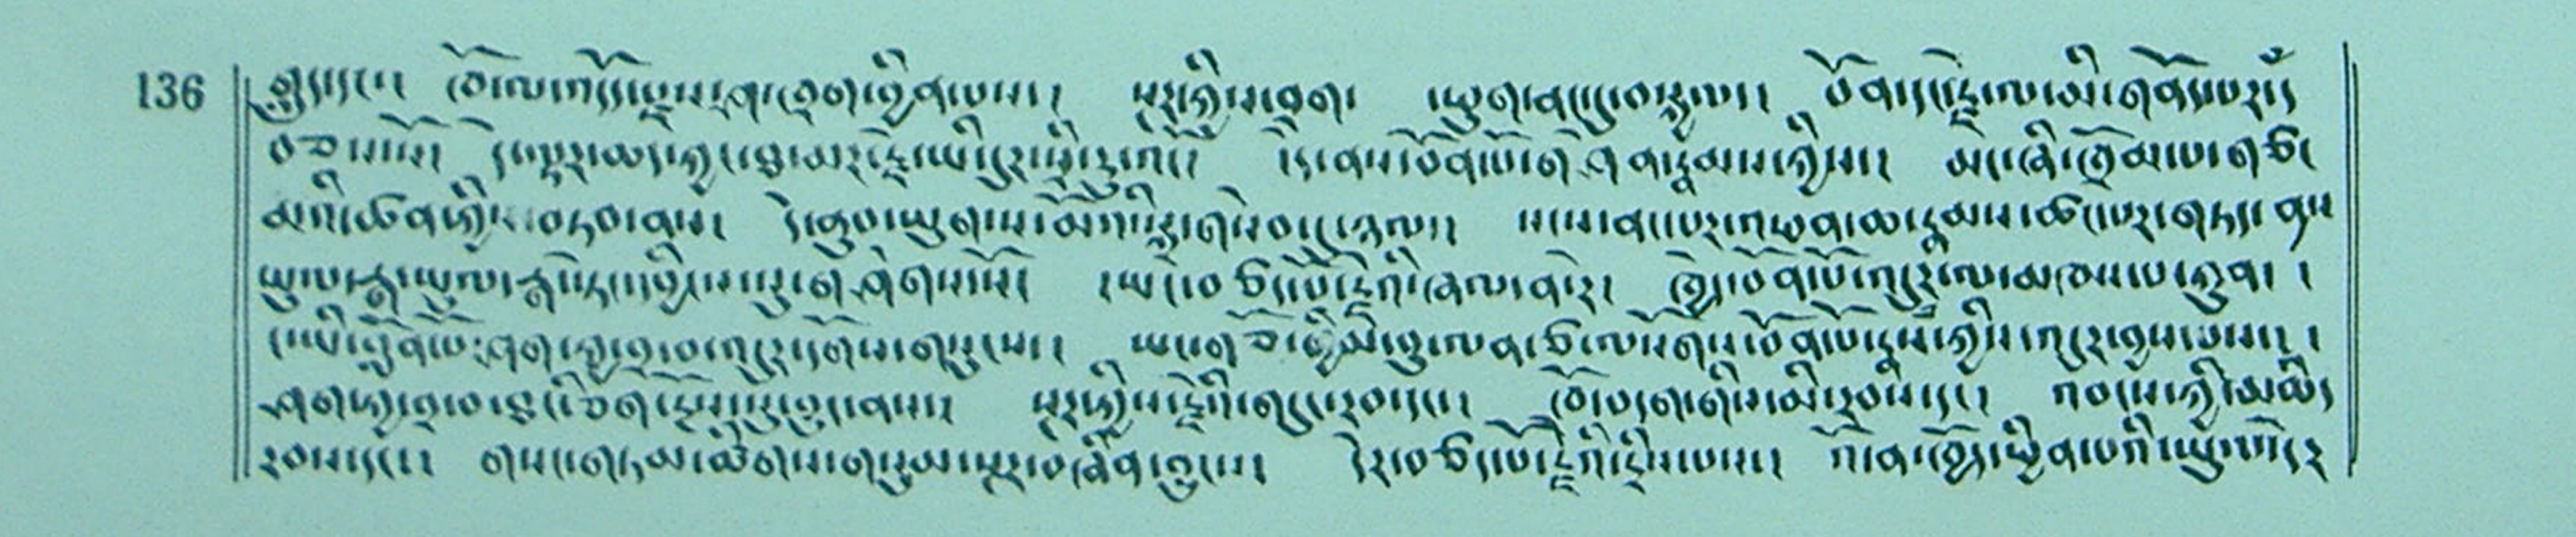གླུད་དང་། ཁོ་ལ་འདོད་རྫས་ཤ་ཁྲག་བྱིན་པས། སྔར་གྱི་བྲག་ཕུག་ནང་དུ་བསྐྱལ། བོན་དང་རྗེ་ལ་མི་གནོད་པར་དམ་
བཅས་སོ། །དེ་ལྟར་ཆད་ཀྱང་ཐ་མར་རྗེའི་དུར་སྲི་རུ་འོང་། དེ་ནས་བོན་གཤེན་རྣམས་ཀྱིས། མང་ཞི་ཁྲོམ་པ་གཙང་
མའི་ཚན་ཀྱིས་བཏབ་ནས། དེ་ནུབ་ཡུག་ས་མོའི་སྐྲ་གསེབ་ཏུ་ཉལ། སངས་ནང་པར་འཕན་ཆ་རྣམས་ཆ་ཚང་བར་གཏད་ནས་
ཡུལ་རྒ་ཡུལ་རྒ་སྟེང་དབྱིངས་སུ་གཤེགས་སོ། །ཡང་བཙན་པོ་རྗེའི་ཞལ་ན་རེ། ཁྱེད་བོན་པོ་འདུར་ལ་མཁས་པ་ཀུན།
 ངའི་བློན་པོ་ཤག་ཀྱ་བྲ་བ་འདུར་དགོས་གསུངས། ཡང་གཅོ་གྱིམ་བུ་ལན་ཚ་ལ་སོགས་བོན་པོ་རྣམས་ཀྱིས་འདུར་བྱས་པས། 
ཤག་ཀྱ་བྲ་བ་ཐང་ཅིག་གི་རྔོས་སུ་བྱུང་ནས། སྔར་གྱི་རྗེའི་གདུང་རབས་དང་། ཁོ་བདག་གི་མི་རབས་དང་། འབངས་ཀྱི་མཆེད་
རབས་དང་། གསང་གཏམ་ཚིག་གསུམ་སྔར་བཞིན་བྱུང་། དེར་བཙན་པོ་རྗེ་ཡིས་དྲིས་པས། འོ་ན་ཁྱོད་ཕྱིན་པའི་ཡུལ་དེར་